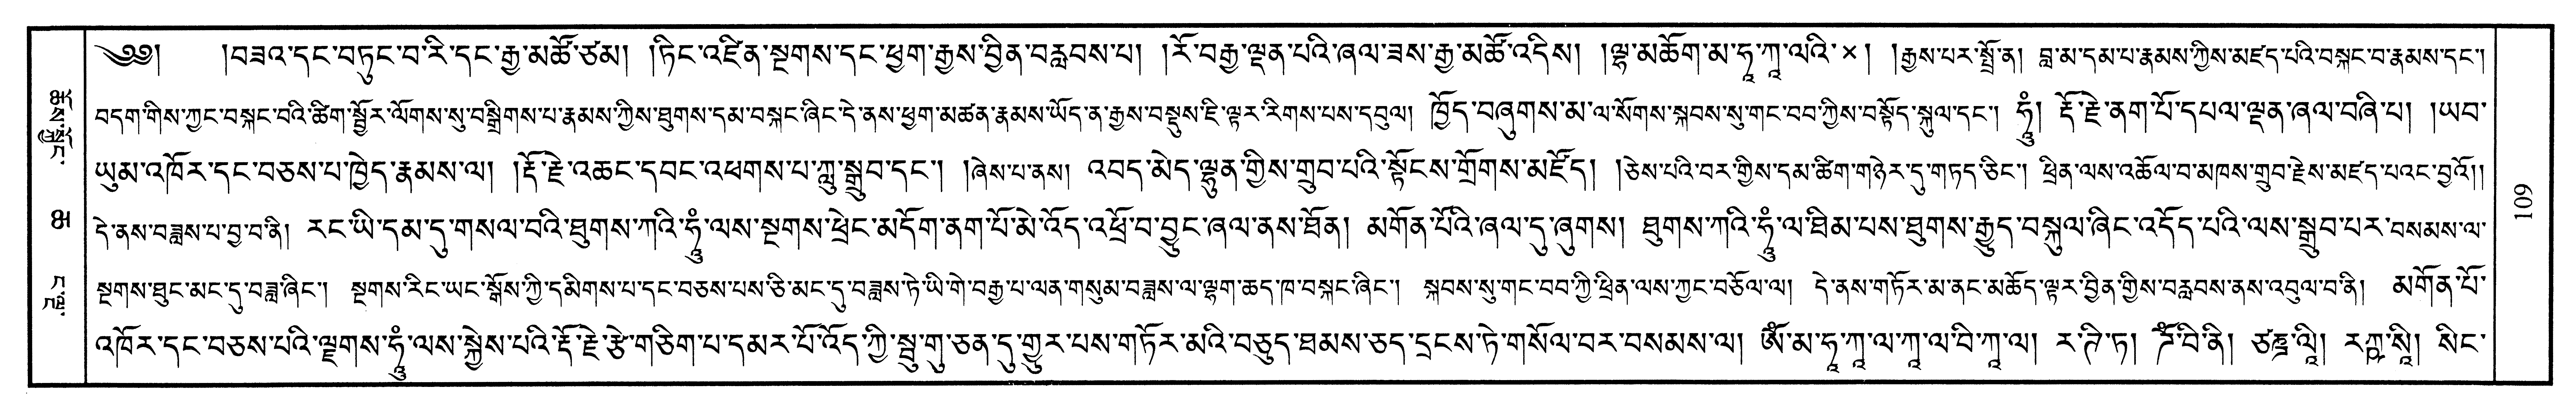༄༅། །བཟའ་དང་བཏུང་བ་རི་དང་རྒྱ་མཚོ་ཙམ། །ཏིང་འཛིན་སྔགས་དང་ཕྱག་རྒྱས་བྱིན་བརླབས་པ། །རོ་བརྒྱ་ལྡན་པའི་ཞལ་ཟས་རྒྱ་མཚོ་འདིས། །ལྷ་མཆོག་མ་ཧཱ་ཀཱ་ལའི་྾། །རྒྱས་པར་སྤྲོ་ན། བླ་མ་དམ་པ་རྣམས་ཀྱིས་མཛད་པའི་བསྐང་བ་རྣམས་དང་།
བདག་གིས་ཀྱང་བསྐང་བའི་ཚིག་སྦྱོར་ལོགས་སུ་བསྒྲིགས་པ་རྣམས་ཀྱིས་ཐུགས་དམ་བསྐང་ཞིང་དེ་ནས་ཕྱག་མཚན་རྣམས་ཡོད་ན་རྒྱས་བསྡུས་ཇི་ལྟར་རིགས་པས་དབུལ། ཁྱོད་བཞུགས་མ་ལ་སོགས་སྐབས་སུ་གང་བབ་ཀྱིས་བསྟོད་སྐུལ་དང་། ཧཱུཾ། རྡོ་རྗེ་ནག་པོ་དཔལ་ལྡན་ཞལ་བཞི་པ། །ཡབ་
ཡུམ་འཁོར་དང་བཅས་པ་ཁྱེད་རྣམས་ལ། །རྡོ་རྗེ་འཆང་དབང་འཕགས་པ་ཀླུ་སྒྲུབ་དང་། །ཞེས་པ་ནས། འབད་མེད་ལྷུན་གྱིས་གྲུབ་པའི་སྟོངས་གྲོགས་མཛོད། །ཅེས་པའི་བར་གྱིས་དམ་ཚིག་གཉེར་དུ་གཏད་ཅིང་། ཕྲིན་ལས་འཆོལ་བ་མཁས་གྲུབ་རྗེས་མཛད་པའང་བྱའོ།།
དེ་ནས་བཟླས་པ་བྱ་བ་ནི། རང་ཡི་དམ་དུ་གསལ་བའི་ཐུགས་ཀའི་ཧཱུཾ་ལས་སྔགས་ཕྲེང་མདོག་ནག་པོ་མེ་འོད་འཕྲོ་བ་བྱུང་ཞལ་ནས་ཐོན། མགོན་པོའི་ཞལ་དུ་ཞུགས། །ཐུགས་ཀའི་ཧཱུཾ་ལ་ཐིམ་པས་ཐུགས་རྒྱུད་བསྐུལ་ཞིང་འདོད་པའི་ལས་སྒྲུབ་པར་བསམས་ལ་
སྔགས་ཐུང་མང་དུ་བཟླ་ཞིང་། སྔགས་རིང་ཡང་སྒོས་ཀྱི་དམིགས་པ་དང་བཅས་པས་ཅི་མང་དུ་བཟླས་ཏེ་ཡི་གེ་བརྒྱ་པ་ལན་གསུམ་བཟླས་ལ་ལྷག་ཆད་ཁ་བསྐང་ཞིང་། སྐབས་སུ་གང་བབ་ཀྱི་ཕྲིན་ལས་ཀྱང་བཅོལ་ལ། དེ་ནས་གཏོར་མ་ནང་མཆོད་ལྟར་བྱིན་གྱིས་བརླབས་ནས་འབུལ་བ་ནི། མགོན་པོ་
འཁོར་དང་བཅས་པའི་ལྗགས་ཧཱུཾ་ལས་སྐྱེས་པའི་རྡོ་རྗེ་རྩེ་གཅིག་པ་དམར་པོ་འོད་ཀྱི་སྦུ་གུ་ཅན་དུ་གྱུར་པས་གཏོར་མའི་བཅུད་ཐམས་ཅད་དྲངས་ཏེ་གསོལ་བར་བསམས་ལ། ཨོཾ་མ་ཧཱ་ཀཱ་ལ་བི་ཀཱ་ལ། ར་ཊི་ཏ། ཌོཾ་བི་ནི། ཙཎྜ་ལཱི། རཀྵ་སཱི། སིང་